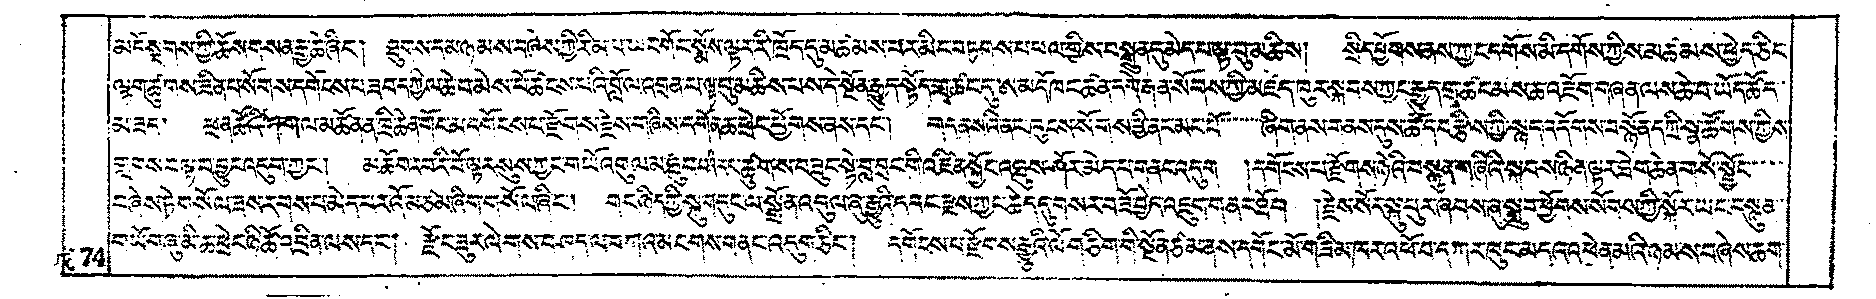མདོ་སྔགས་ཀྱི་ཆོས་གསན་རྒྱ་ཆེ་ཞིང་། ཐུགས་དམ་ཉམས་བཞེས་ཀྱི་རིམ་པ་ཡང་གོང་སྨོས་ལྟར་རི་ཁྲོད་དུ་མཚམས་པར་མིང་བཏགས་པ་ཕལ་གྱིས་བསྒྲུན་དུ་མེད་པ་ལྟ་བུ་མཆིས། སྲིད་ཕྱོགས་ནས་ཀྱང་དགོས་མི་དགོས་ཀྱིས་མཚམས་ཕྱེད་ཅིང་
ལྟག་ཚུགས་ཟིན་པ་སོགས་དགོངས་པ་ཟབ་དཀྱིལ་ཆེ་བ་མེས་པོ་ཚངས་པའི་བློ་ལ་འགྲན་པ་ལྟ་བུ་མཆིས་པས་དེ་སྔོན་རྒྱུད་སྟོད་གྲྭ་ཚང་དུ་ཨ་མདོ་ཁང་ཚན་དགེ་རྒན་སོགས་ཀྱི་མཛད་ཁུར་སྐབས་ཀྱང་རྒྱུད་གྲྭ་ཚང་མས་ཆ་འཇོག་གཞན་ལས་ཆེ་བ་ཡོད་ཚོད་
མ་ཟད། ཕྲན་ཚོའི་ཉ་ག་ལ་མཚོན་ན་ཁྲི་ཆེན་གོང་མ་དགོངས་པ་རྫོགས་རྗེས་གཞིས་དགོན་ཆ་ཕྲེང་ཕྱོགས་ནས་དང་། གདན་སའི་ནང་ཁུངས་སོགས་ཕྱི་ནང་མང་པོ་ཞིག་ནས་གནས་དུས་ཚོད་བརྩིས་ཀྱི་སྙད་འདོགས་བསྙོན་དཀྲི་སྣ་ཚོགས་ཀྱིས་
གླགས་བལྟ་བ་བྱུང་འདུག་ཀྱང་། མཆོག་རབ་རི་བོ་ལྟར་སུས་ཀྱང་གཡོ་འགུལ་མ་ཐུབ་པའི་རང་ཚུགས་བཟུང་སྟེ་བླ་བྲང་གི་འཛིན་སྐྱོང་འཐུས་ཤོར་མེད་པ་གནང་འདུག །དགོངས་པ་རྫོགས་ཉེའི་བསྙུན་གཞིའི་སྐབས་ཉིན་ལྟར་ཐེག་ཆེན་གསོ་སྦྱོང་
བཞེས་ཏེ་གསོལ་ཟས་རགས་པ་མེད་པར་འོ་མ་ཙམ་ཞིག་གསོལ་ཞིང་། གང་ཉིད་ཀྱི་སྐུ་གདུང་ལ་སྒྲོན་འབུལ་ཞུ་རྒྱུའི་དབང་རྫས་ཀྱང་ཆེད་དུ་གསར་བཟོ་བྱེད་འཇུག་གནང་ཐོག །རྗེས་སོར་སྐུ་པུར་ཞབས་ཞུ་སྒྲུབ་ཕྱོགས་སོགས་ཀྱི་སྐོར་ཡང་བསྙུན་
གཡོག་ཞུ་མི་ཆ་ཕྲེང་ཉི་ཚོ་འཕྲིན་ལས་དང་། རྫོང་ཟུར་ལེགས་བཤད་ལ་བཀའ་མངགས་གནང་འདུག་ཅིང་། དགོངས་པ་རྫོགས་རྒྱུའི་ལོ་གཅིག་གི་སྔོན་ཙམ་ནས་དགོང་མོ་གཟིམ་ཁར་འཕོ་བ་དཀར་ཁུང་མདའ་འཕེན་མའི་ཉམས་བཞེས་ཆག་